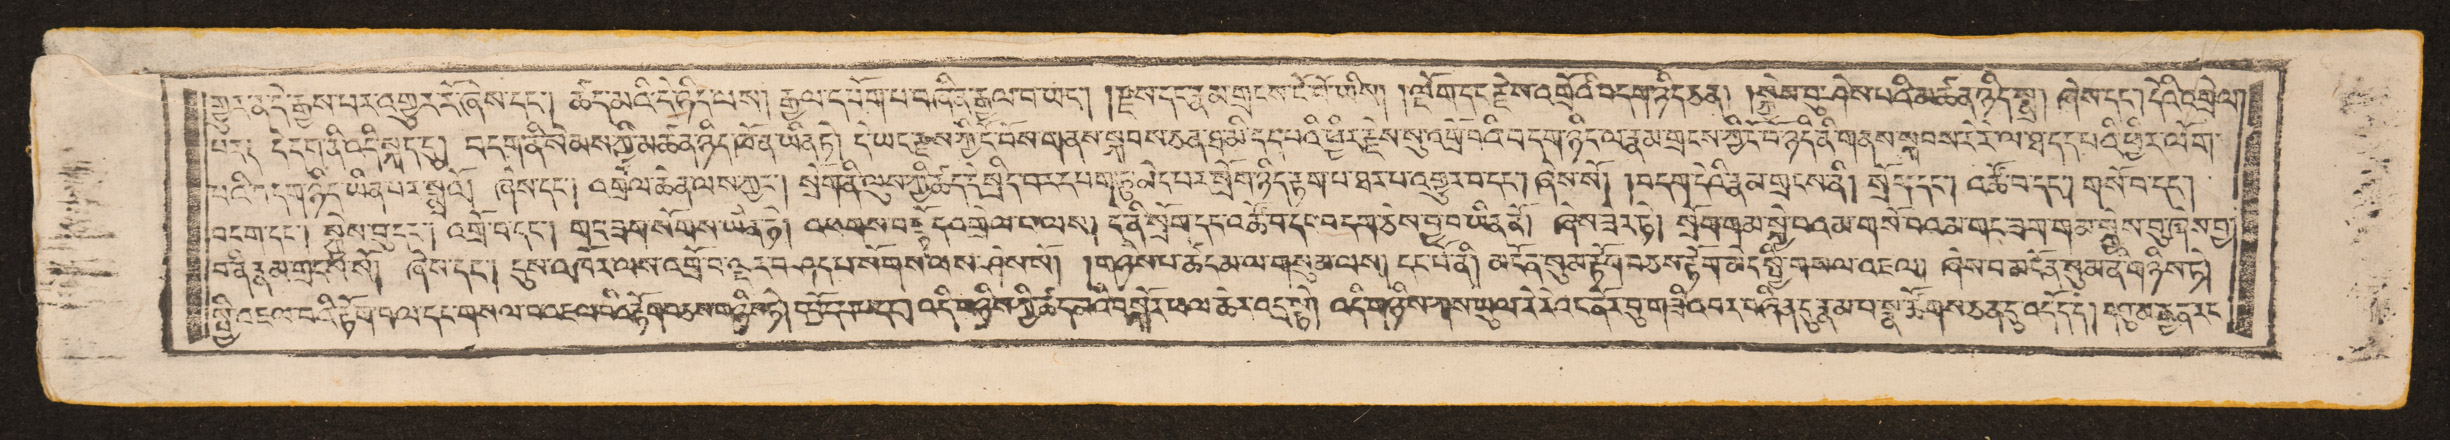གྱུར་ན་དེ་རྒྱས་པར་འགྱུར་རོ་ཞེས་དང་། ཚད་མའི་དེ་ཉིད་ལས། རྒྱལ་དཔོག་པ་བཞིན་རྒྱལ་བ་ཡང་། །རྫས་དང་རྣམ་གྲངས་ངོ་བོ་ཡིས། །ལྡོག་དང་རྗེས་འགྲོའི་བདག་ཉིད་ཅན། །སྐྱེས་བུ་ཤེས་པའི་མཚན་ཉིད་སྨྲ། ཞེས་དང་། དེའི་འགྲེལ་
པར༑ དེ་དག་ནི་འདི་སྐད་དུ། བདག་ནི་སེམས་ཀྱི་མཚན་ཉིད་ཁོ་ན་ཡིན་ཏེ། དེ་ཡང་རྫས་ཀྱི་ངོ་བོས་གནས་སྐབས་ཅན་ཐ་མི་དད་པའི་ཕྱིར་རྗེས་སུ་འགྲོ་བའི་བདག་ཉིད་ལ་རྣམ་གྲངས་ཀྱི་ངོ་བོ་ཉིད་ནི་གནས་སྐབས་རེ་རེ་ལ་ཐ་དད་པའི་ཕྱིར་ལོག་
པའི་བདག་ཉིད་ཡིན་པར་སྨྲའོ། ཞེས་དང་། འགྲེལ་ཆེན་ལས་ཀྱང་། སྲོག་ནི་ལུས་ཀྱི་ཚད་དེ་སྲིད་པར་དཔག་ཏུ་མེད་པར་སྲོག་ཉིད་རྟག་པ་ཐར་པ་འགྱུར་བ་དང་། ཞེས་སོ། །བདག་དེའི་རྣམ་གྲངས་ནི། སྲོག་དང་། འཚོ་བ་དང་། གསོ་བ་དང་།
བདག་དང་། སྐྱེས་བུ་དང་། འགྲོ་བ་དང་། གང་ཟག་སོགས་ཡིན་ཏེ། འཕགས་བསྟོད་འགྲེལ་པ་ལས། དེ་ནི་སྲོག་དང་འཚོ་བ་དང་བདག་ཅེས་བྱ་བ་ཡིན་ནོ། ཞེས་ཟེར་ཏེ། སྲོག་གམ་སྐྱེ་བའམ་གསོ་བའམ་གང་ཟག་གམ་སྐྱེས་བུ་ཞེས་བྱ་
བ་ནི་རྣམ་གྲངས་སོ། ཞེས་དང་། དུས་འཁོར་ལས་འགྲོ་བ་ལྔར་བཤད་པ་སོགས་ལས་ཤེས་སོ། །གཉིས་པ་ཚད་མ་ལ་གསུམ་ལས། དང་པོ་ནི། མངོན་སུམ་རྟོག་བཅས་རྟོག་མེད་སྤྱི་གསལ་འཇལ། ཞེས་པ་མངོན་སུམ་ནི་གཉིས་ཏེ།
སྤྱི་འཇལ་བའི་རྟོག་པ་ལ་དང་གསལ་བ་འཇའ་བའི་རྟོག་བཅས་གཉིས་ཏེ། དཔྱོད་པ་པ་དང་། འདི་གཉིས་ཀྱི་ཚད་མའི་བསྐོར་ཕལ་ཆེར་འདྲ་སྟེ། འདི་གཉིས་ཀས་ཡུལ་རེ་རེའང་ནོར་བུ་གཟི་འབར་བཞིན་དུ་རྣམ་པ་སྣ་ཚོགས་ཅན་དུ་འདོད་དེ། དབུ་མ་རྒྱན་རང་